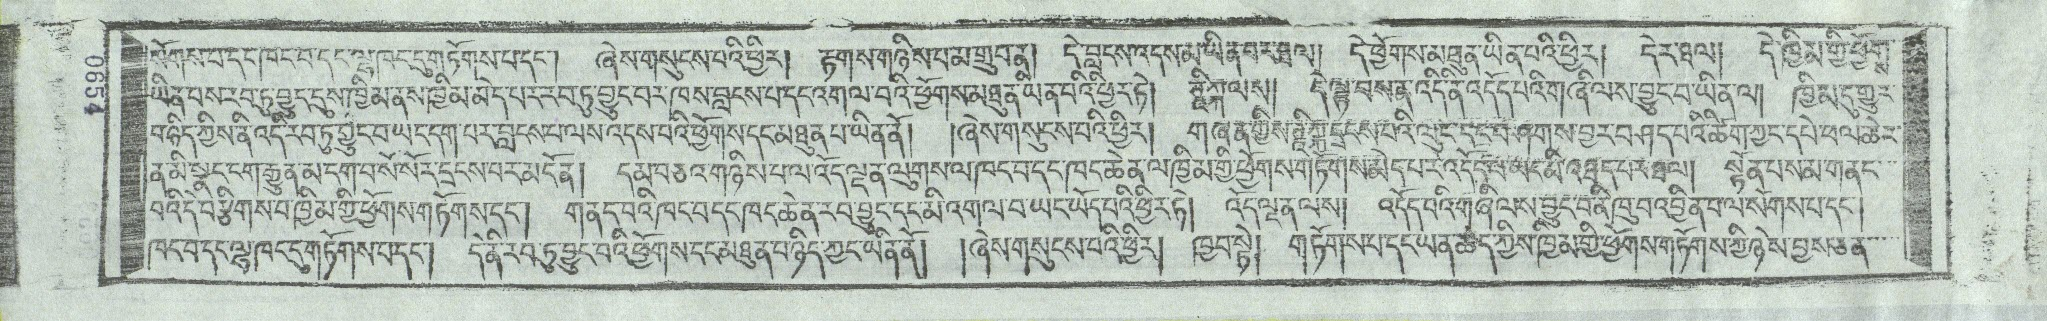སོགས་པ་དང་ཁང་བ་དང་ལྷ་ཁང་དུ་གཏོགས་པ་དང་། ཞེས་གསུངས་པའི་ཕྱིར། རྟགས་གཉིས་པ་མ་གྲུབ་ན། དེ་བླངས་འདས་མ་ཡིན་པར་ཐལ། དེ་ཕྱོགས་མཐུན་ཡིན་པའི་ཕྱིར། དེར་ཐལ། དེ་ཁྱིམ་གྱི་ཕྱོགས་
ཡིན་པས་རབ་ཏུ་བྱུང་དུས་ཁྱིམ་ནས་ཁྱིམ་མེད་པར་རབ་ཏུ་བྱུང་བར་ཁས་བླངས་པ་དང་འགལ་བའི་ཕྱོགས་མཐུན་ཡིན་པའི་ཕྱིར་ཏེ། ཊཱིཀྐ་ལས། དེ་ལྟ་བས་ན་འདི་ནི་འདོད་པའི་གཞི་ལས་བྱུང་བ་ཡིན་ལ། ཁྱིམ་དུ་གྱུར་
བ་ཉིད་ཀྱིས་ནི་འདི་རབ་ཏུ་བྱུང་བ་ཡང་དག་པར་བླངས་པ་ལས་འདས་པའི་ཕྱོགས་དང་མཐུན་པ་ཡིན་ནོ། །ཞེས་གསུངས་པའི་ཕྱིར། གཞན་གྱིས་ཊཱིཀྐ་དྲངས་པའི་ལུང་དང་བཤགས་བྱར་བཤད་པའི་ཚིག་ཀྱང་དཔེ་ཕལ་ཆེར་
ན་མི་སྣང་ངག་རྒྱུན་མ་དག་བ་སོ་སོར་དྲངས་པར་མངོན། དམ་བཅའ་གཉིས་པ་ལ་འོད་ལྡན་ལུགས་ལ་ཁང་བ་དང་ཁང་ཆེན་ལ་ཁྱིམ་གྱི་ཕྱོགས་གཏོགས་མེད་པར་འདོད་པ་ཡང་མི་འཐད་པར་ཐལ། སྟོན་པས་མ་གནང་
བའི་དེ་བརྩིགས་པ་ཁྱིམ་གྱི་ཕྱོགས་གཏོགས་དང་། གནང་བའི་ཁང་བ་དང་ཁང་ཆེན་རབ་བྱུང་དང་མི་འགལ་བ་ཡང་ཡོད་པའི་ཕྱིར་ཏེ། འོད་ལྡན་ལས། འདོད་པའི་གཞི་ལས་བྱུང་བ་ནི་ཁུ་བ་འབྱིན་པ་ལ་སོགས་པ་དང་།
ཁང་བ་དང་ལྷ་ཁང་དུ་གཏོགས་པ་དང་། དེ་ནི་རབ་ཏུ་བྱུང་བའི་ཕྱོགས་དང་མཐུན་པ་ཉིད་ཀྱང་ཡིན་ནོ། །ཞེས་གསུངས་པའི་ཕྱིར། ཁྱབ་སྟེ། གཏོགས་པ་དང་ཡན་ཆད་ཀྱིས་ཁྱིམ་གྱི་ཕྱོགས་གཏོགས་ཀྱི་ཉེས་བྱས་ཅན་